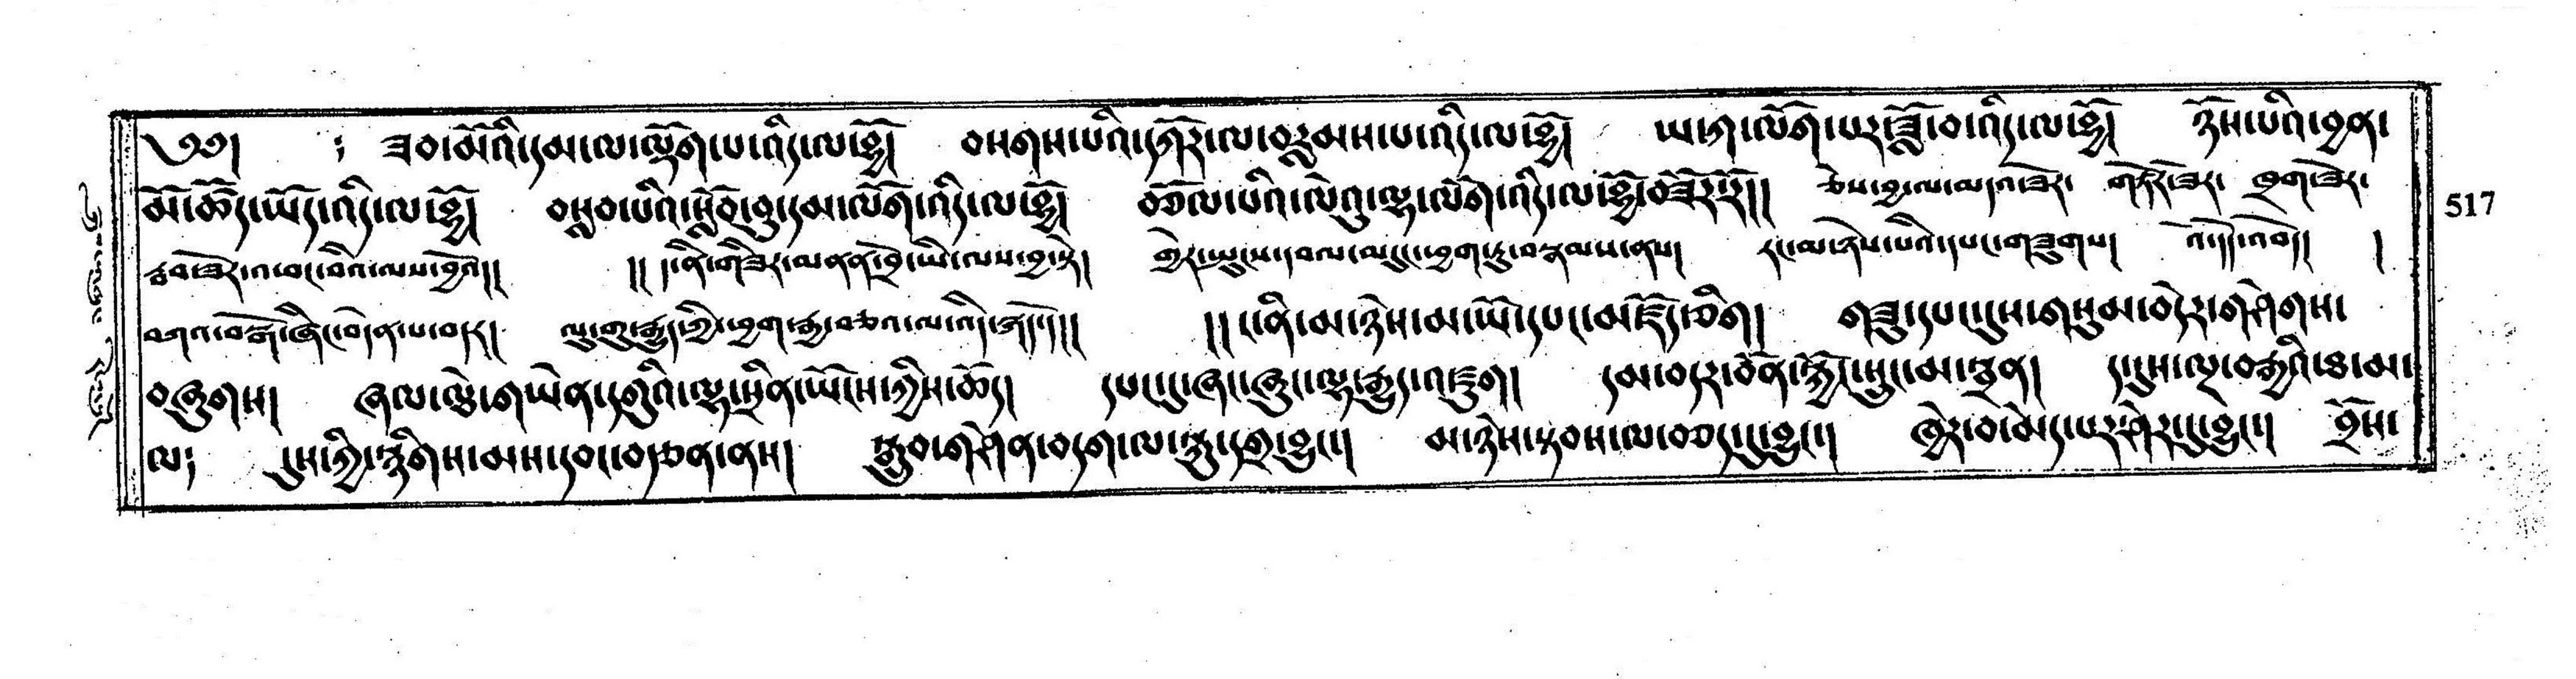ཟབ་མོའི་དམ་ལ་ལྡོག་པ་འདི་ལ་བྷྱོ། བསགས་པའི་དཀོར་ལ་བརླམས་པ་འདི་ལ་བྷྱོ། ཡ་ཀ་ལོག་པར་ཟློ་བ་འདི་ལ་བྷྱོ། ཉོས་པའི་བྱན་
མོ་ཚོད་ཡོད་འདི་ལ་བྷྱོ། བསླབ་པའི་སློབ་བུ་དམ་ལོག་འདི་ལ་བྷྱོ། བཅོལ་པའི་ལེའུ་ལྷ་ལོག་འདི་ལ་བྷྱོ་བཟོར་རོ། ཅེས་བྱ་ལ་མདའ་ཟོར། གཏོར་ཟོར། ཁྲག་ཟོར། 
རྦབ་ཟོར་འཕང་བའི་ལས་བྱའོ།། །།ད་ནི་གཟིར་མནན་བྲོ་ཡི་ལས་བྱ་སྟེ། གྱེར་སྤུངས་དབལ་མདུང་ཕྱག་ཏུ་བསྣམས་ནས། རང་མ་ཉེས་པའི་དཔང་གཟུགས། འོ་དོད་འབོད། 
བཀའ་བསྒོ་ཞིང་བདེན་པ་བདར། ལུ་གུ་རྒྱུད་ཀྱི་ཕྱག་རྒྱ་བཅའ་ལ་འདི་སྐད་དོ།། །།ང་ནི་མ་ཉེས་མ་ཡོ་དཔང་མཛོད་ཅིག གཟུ་དཔང་དུས་གསུམ་བདེར་གཤེགས་
བཞུགས། ཞལ་ལྕེ་གཡེན་དགུའི་ལྷ་སྲིན་ཡོངས་ཀྱིས་ཆོད། དཔང་དུ་ཞང་ཞུང་ལྷ་རྒྱུད་འཛུག དམ་བདར་བོན་སྐྱོང་སྲུང་མ་སྦྲན། ད་དུས་ལྔ་བརྒྱའི་ཐ་མ་
ལ། དུས་ཀྱི་སྙིགས་མས་དབང་བརྩན་ནས། སྒྲུབ་གཤེན་བདག་{533}ལ་སྐུ་དགྲ་བྱུང་། མ་ཉེས་སྟབས་ལ་བཅད་དུ་བྱུང་། ཁྱེར་བ་མེད་པར་ཤེར་དུ་བྱུང་། བྲོས་